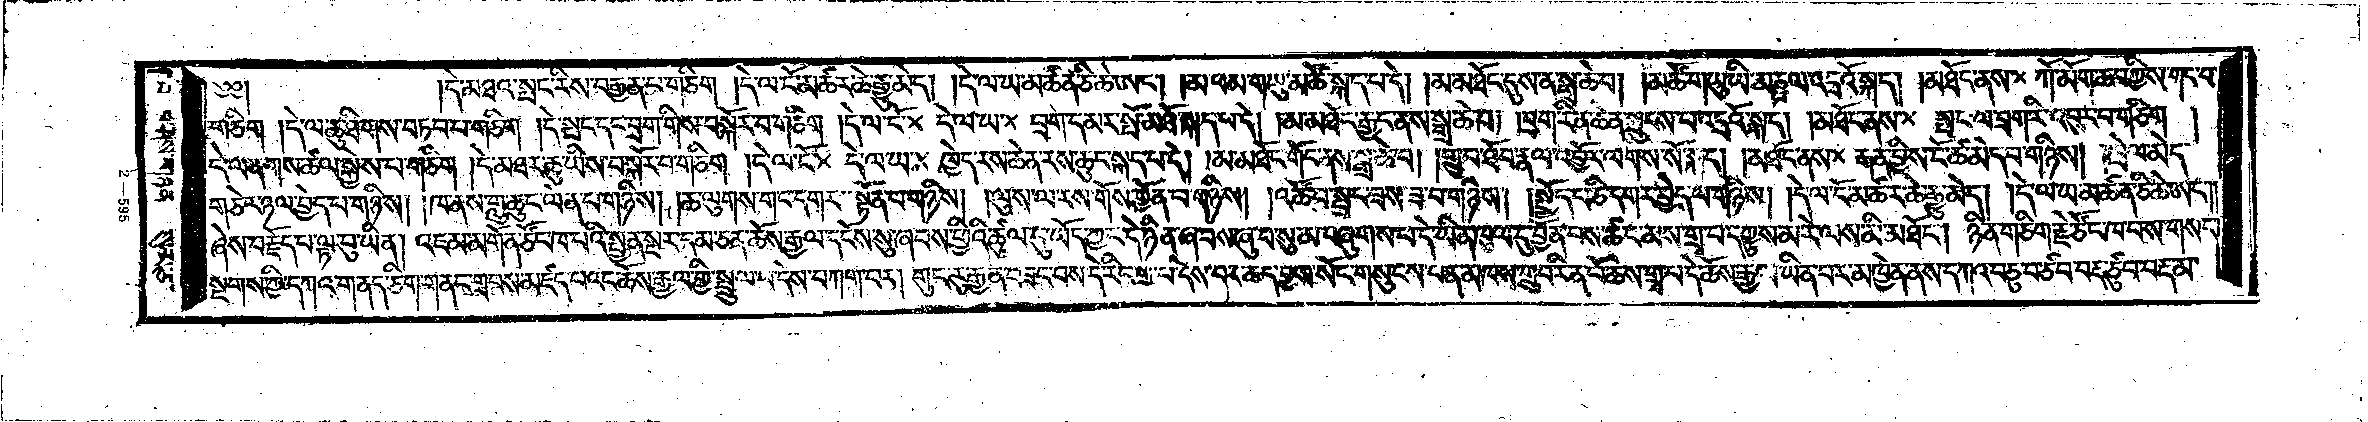༄༅། །དེ་མཐའ་སྤང་རིས་བརྒྱན་པ་གཅིག །དེ་ལ་ངོ་མཚར་ཆེ་རྒྱུ་མེད། །དེ་ལ་ཡ་མཚན་ཅི་ཆེ་ཨང་། །མ་ཕམ་གཡུ་མཚོ་སྒད་པ་དེ། །མ་མཐོང་དུས་ན་སྒྲ་ཆེ་བ། །མཚོ་གཡུ་ཡི་མཎྜལ་འདྲའོ་སྐད། །མཐོང་ནས྾་ཀོ་མོག་ཆབ་ཀྱིས་གང་བ་
གཅིག །དེ་ལ་ཆུ་ཐིགས་བཏབ་པ་གཅིག །དེ་སྤང་དང་བྲག་གིས་བསྐོར་བ་གཅིག །དེ་ལ་ངོ྾་དེ་ལ་ཡ྾་བྲག་དམར་སྤོ་མཐོ་སྐད་པ་དེ། །མ་མཐོང་རྒྱང་ནས་སྒྲ་ཆེ་བ། །བྲག་རིན་ཆེན་སྲུངས་པ་འདྲའོ་སྐད། །མཐོང་ནས྾་སྤང་ལ་བྲག་རི་འབུར་བ་གཅིག །
དེ་ལ་ནགས་ཚལ་སྐྱེས་པ་གཅིག །དེ་མཐའ་ཆུ་ཡིས་བསྐོར་བ་གཅིག །དེ་ལ་ངོ྾་དེ་ལ་ཡང྾་ཁྱེད་རས་ཆེན་རས་ཆུང་སྐད་པ་དེ། །མ་མཐོང་གོང་ནས་སྒྲ་ཆེ་བ། །གྲུབ་ཐོབ་རྣལ་འབྱོར་ལགས་སོ་སྐད། །མཐོང་ནས྾་རྒན་བྱིས་ངོ་ཚ་མེད་བ་གཉིས། །ཁྲེལ་མེད་
གཅེར་ཉལ་བྱེད་པ་གཉིས། །ཁ་ནས་གླུ་ཆུང་ལེན་པ་གཉིས། །ཆ་ལུགས་གང་དགར་སྟོན་པ་གཉིས། །ལུས་ལ་རས་གོས་གྱོན་པ་གཉིས། །འཚོ་བ་སྦྲང་ཟས་ཟ་བ་གཉིས། །སྤྱོད་པ་ཅི་དགར་བྱེད་ལ་གཉིས། །དེ་ལ་ངོ་མཚར་ཆེ་རྒྱུ་མེད། །དེ་ལ་ཡ་མཚན་ཅི་ཆེ་ཨང།།
ཞེས་བརྗོད་པ་ལྟ་བུ་ཡིན། འཇམ་མགོན་ཙོང་ཁ་པའི་སྤྱན་སྔར་དམ་ཅན་ཆོས་རྒྱལ་དངོས་སུ་ཞབས་ཕྱིའི་ཚུལ་དུ་ཡོད་ཀྱང་དེ་ཉིན་ཞབས་ཞུ་བ་སུ་མ་བཞུགས་པ་དེ་ཡིན་ཁྲལ་དུ་བྱོན་པས་ཚང་མས་གྲྭ་པ་དཀྱུས་མ་རེ་ལས་མི་མཐོང་། ཉིན་གཅིག་རྗེ་ཙོང་ཁ་པས་གསང་
སྔགས་ཀྱི་དཀའ་གནད་ཅིག་གནང་གྲབས་མཛད་པའང་ཆོས་རྒྱལ་གྱི་སྤྲུལ་པ་དེས་བཀག་པར། གུང་རུ་རྒྱན་བཟང་བས་དེ་རིང་གྲ་པ་དེས་བར་ཆད་བྱས་སོང་གསུངས་པ་ན་མཁས་གྲུབ་རིན་པོ་ཆེས་གྲྭ་པ་དེ་ཆོས་རྒྱལ་ཡིན་པར་མཁྱེན་ནས་དཀའ་བཅུ་བ་ཙབ་བརྡ་ཙུབ་བརྡ་མ་